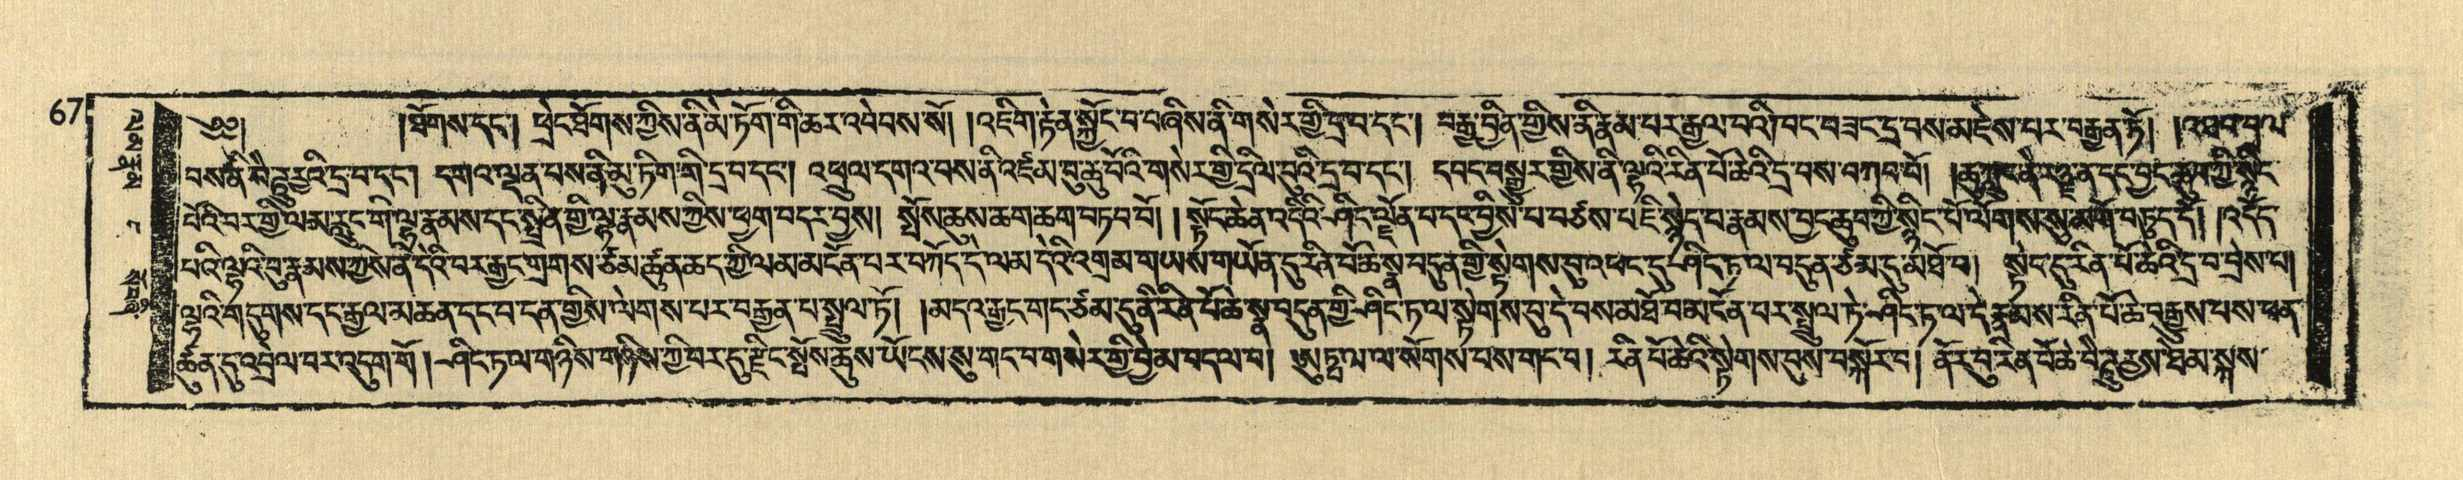༄༅། །ཐོགས་དང་། ཕྲེང་ཐོགས་ཀྱིས་ནི་མེ་ཏོག་གི་ཆར་འབེབས་སོ། །འཇིག་རྟེན་སྐྱོང་བ་བཞིས་ནི་གསེར་གྱི་དྲ་བ་དང་། བརྒྱ་བྱིན་གྱིས་ནི་རྣམ་པར་རྒྱལ་བའི་ཁང་བཟང་དྲ་བས་མཛེས་པར་བརྒྱན་ཏོ། །འཐབ་བྲལ་
བས་ནི་བཻ་ཌཱུརྱའི་དྲ་བ་དང་། དགའ་ལྡན་པས་ནི་མུ་ཏིག་གི་དྲ་བ་དང་། འཕྲུལ་དགའ་བས་ནི་འཛམ་བུ་ཆུ་བོའི་གསེར་གྱི་དྲིལ་བུའི་དྲ་བ་དང་། དབང་བསྒྱུར་གྱིས་ནི་ལྷའི་རིན་པོ་ཆེའི་དྲ་བས་བཀབ་བོ། །ཆུ་ཀླུང་ནཻ་རཉྫ་ན་དང་བྱང་ཆུབ་ཀྱི་སྙིང་
པོའི་བར་གྱི་ལམ་རླུང་གི་ལྷ་རྣམས་དང་སྤྲིན་གྱི་ལྷ་རྣམས་ཀྱིས་ཕྱག་བདར་བྱས། སྤོས་ཆུས་ཆག་ཆག་བཏབ་བོ། །སྟོང་ཆེན་འདིའི་ཤིང་ལྗོན་པ་དང་བྱིས་པ་བཙས་པ་ཇི་སྙེད་པ་རྣམས་བྱང་ཆུབ་ཀྱི་སྙིང་པོ་ལོགས་སུ་མགོ་བཏུད་དོ། །འདོད་
པའི་ལྷའི་བུ་རྣམས་ཀྱིས་ནི་དེའི་བར་རྒྱང་གྲགས་ཙམ་ཚུན་ཆད་ཀྱི་ལམ་མངོན་པར་བཀོད་དེ་ལམ་དེའི་འགྲམ་གཡས་གཡོན་དུ་རིན་པོ་ཆེ་སྣ་བདུན་གྱི་སྟེགས་བུ་འཕང་དུ་ཤིང་ཏ་ལ་བདུན་ཙམ་དུ་མཐོ་བ། སྟེང་དུ་རིན་པོ་ཆེའི་དྲ་བ་བྲེས་པ།
ལྷའི་གདུགས་དང་རྒྱལ་མཆན་དང་བ་དན་གྱིས་ལེགས་པར་བརྒྱན་པ་སྤྲུལ་ཏོ། །མདའ་རྒྱད་གང་ཙམ་དུ་ནི་རིན་པོ་ཆེ་སྣ་བདུན་གྱི་ཤིང་ཏ་ལ་སྟེགས་བུ་དེ་བས་མཐོ་བ་མངོན་པར་སྤྲུལ་ཏེ་ཤིང་ཏ་ལ་དེ་རྣམས་རིན་པོ་ཆེ་བརྒྱུས་པས་ཕན་
ཚུན་དུ་འབྲེལ་བར་འདུག་གོ །ཤིང་ཏ་ལ་གཉིས་གཉིས་ཀྱི་བར་དུ་རྫིང་སྤོས་ཆུས་ཡོངས་སུ་གང་བ་གསེར་གྱི་བྱེ་མ་བདལ་བ། ཨུཏྤལ་ལ་སོགས་པས་གང་བ། རིན་པོ་ཆེའི་སྟེགས་བུས་བསྐོར་བ། ནོར་བུ་རིན་པོ་ཆེ་བཻཌཱུརྱས་ཐེམ་སྐས་